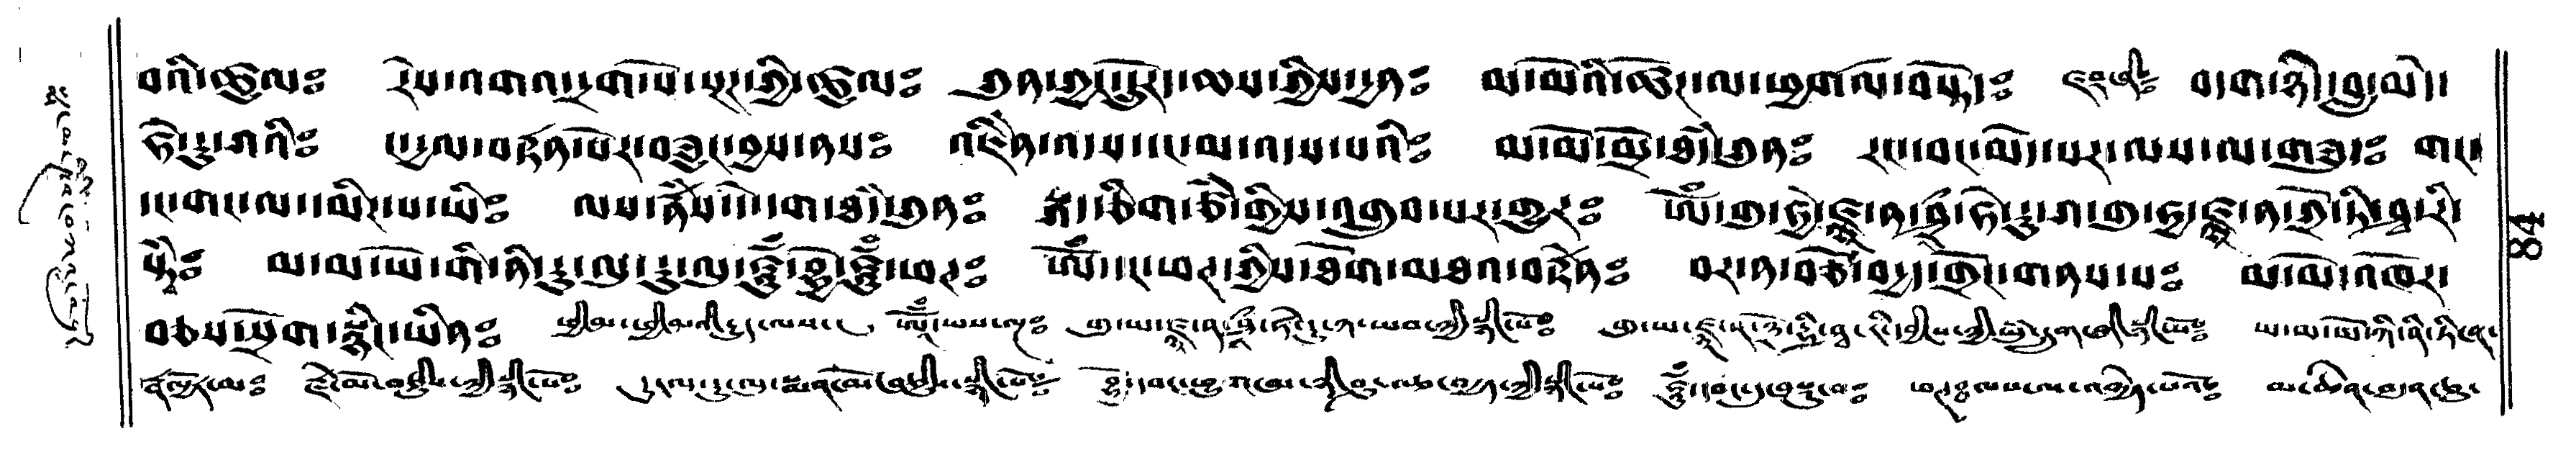ཀྱི་ཚུལཿ རེས་འགའ་དྲག་པོ་སྔགས་ཀྱི་ཚུལཿ ཀུན་ཀྱང་དུར་ཁྲོད་ཆས་ཀྱི་རྒྱནཿ མ་མོའི་ཚོགས་ལ་ཕྱག་འཚལ་བསྟོདཿ ཛབ་ནི། བདག་ཉིད་བླ་མེད་
ཧེ་རུ་ཀའིཿ ང་རྒྱལ་བརྟན་པོར་བཟུང་བྱས་ནསཿ འཇིག་རྟེན་འདས་དང་མ་འདས་པའིཿ མ་མོ་མཁའ་འགྲོ་ཐམས་ཅད་ཀུནཿ རང་དབང་མེད་པར་ལས་ལ་འཛུདཿ གང་
དང་གང་ལ་དམིགས་པ་ཡིསཿ ལས་རྣམས་དེ་དག་ཐམས་ཅད་ཀུནཿ སྐད་ཅིག་རྩམ་གྱིས་འགྲུབ་པར་གྱུརཿ ཨོཾ་གུ་ཧྱེ་ཛྙཱ་ན་ཤྲཱྀ་ཧེ་རུ་ཀ་གུ་ཧྱ་ཛྙཱ་ན་ཀྲོ་ཏི་ཤྭ་རི་
སྟྭཾཿ མ་མ་ཡོ་གི་ནི་རུ་ལུ་ལུ་ཧཱུྃ་བྷྱོ་ཧཱུྃ་ཕཊཿ ཨོཾ་དང་ཕཊ་ཀྱིས་ཐོག་མཐའ་བརྟེན། །བར་ན་བཅོ་བརྒྱད་གྲོང་གནས་པ། །མ་མོ་འཁོར་
བཅས་སྲོག་སྙིང་ཡིན། ། ཕྱི་མ་ཕྱི་མའི་རྒྱུད་ལས། ཨཱོཾ་ཡེ་ཤེས་ལྔ། གུ་ཧྱེ་ཛྙཱ་ནཤྲཱྀ་ཧེ་རུ་ཀ་ཡབ་ཀྱི་སྙིང་པོ། གུ་ཧྱེ་ཛྙཱན་ཀྲོ་དྷི་ཤྭ་རི་དབྱིངས་ཀྱི་ཡུམ་དྲུག་གི་སྙིང་པོ།མ་མ་ཡོ་གི་ནི་
རྣལ་འབྱོར་མ་རྗེ་མོ་བཅུ་གཉིས་ཀྱི་སྙིང་པོ། རུ་ལུ་རུ་ལུ་སྨན་མོ་བཅུ་གཉིས་ཀྱི་སྙིང་པོ། བྷྱོ་དབང་ཕྱུག་མ་ཉི་ཤུ་རྩ་བརྒྱད་ཀྱི་སྙིང་པོཿ ཧཱུྃ་དབང་དུ་བསྡུ་བ། ཕཊཿལས་ལ་འགྱེད་པ་སྟེ། མ་མོ་ཆེན་མོ་བདུན་ཅུ་